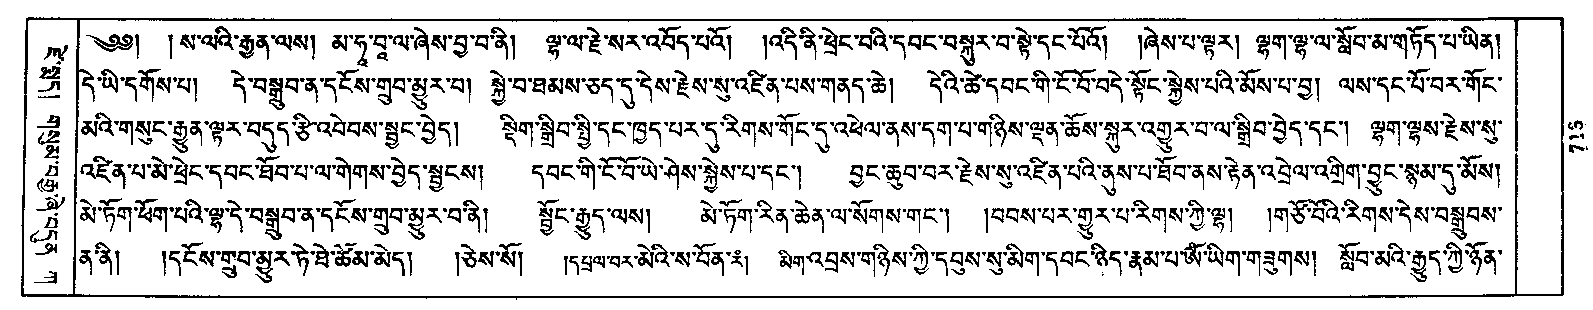༄༅། །ས་ལའི་རྒྱན་ལས། མ་ཧཱ་བཱ་ལ་ཞེས་བྱ་བ་ནི། ལྷ་ལ་རྗེ་སར་འབོད་པའོ། །འདི་ནི་ཕྲེང་བའི་དབང་བསྐུར་བ་སྟེ་དང་པོའོ། །ཞེས་པ་ལྟར། ལྷག་ལྷ་ལ་སློབ་མ་གཏོད་པ་ཡིན།
དེ་ཡི་དགོས་པ། དེ་བསྒྲུབ་ན་དངོས་གྲུབ་མྱུར་བ། སྐྱེ་བ་ཐམས་ཅད་དུ་དེས་རྗེས་སུ་འཛིན་པས་གནད་ཆེ། དེའི་ཚེ་དབང་གི་ངོ་བོ་བདེ་སྟོང་སྐྱེས་པའི་མོས་པ་བྱ། ལས་དང་པོར་བར་གོང་
མའི་གསུང་རྒྱུན་ལྟར་བདུད་རྩི་འབེབས་སྦྱང་བྱེད། སྡིག་སྒྲིབ་སྤྱི་དང་ཁྱད་པར་དུ་རིགས་གོང་དུ་འཕེལ་ནས་དག་པ་གཉིས་ལྡན་ཆོས་སྐུར་འགྱུར་བ་ལ་སྒྲིབ་བྱེད་དང་། ལྷག་ལྷས་རྗེས་སུ་
འཛིན་པ་མེ་ཕྲེང་དབང་ཐོབ་པ་ལ་གེགས་བྱེད་སྦྱངས། དབང་གི་ངོ་བོ་ཡེ་ཤེས་སྐྱེས་པ་དང་། བྱང་ཆུབ་བར་རྗེས་སུ་འཛིན་པའི་ནུས་པ་ཐོབ་ནས་རྟེན་འབྲེལ་འགྲིག་བྱུང་སྙམ་དུ་མོས།
མེ་ཏོག་ཕོག་པའི་ལྷ་དེ་བསྒྲུབ་ན་དངོས་གྲུབ་མྱུར་བ་ནི། སྦྱོང་རྒྱུད་ལས། མེ་ཏོག་རིན་ཆེན་ལ་སོགས་གང་། །བབས་པར་གྱུར་པ་རིགས་ཀྱི་ལྷ། །གཙོ་བོའི་རིགས་དེས་བསྒྲུབས་
ན་ནི། །དངོས་གྲུབ་མྱུར་ཏེ་ཐེ་ཚོམ་མེད། །ཅེས་སོ། །དཔྲལ་བར་མེའི་ས་བོན་རཾ། མིག་འབྲས་གཉིས་ཀྱི་དབུས་སུ་མིག་དབང་ཉིད་རྣམ་པ་ཨོཾ་ཡིག་གཟུགས། སློབ་མའི་རྒྱུད་ཀྱི་ཉོན་